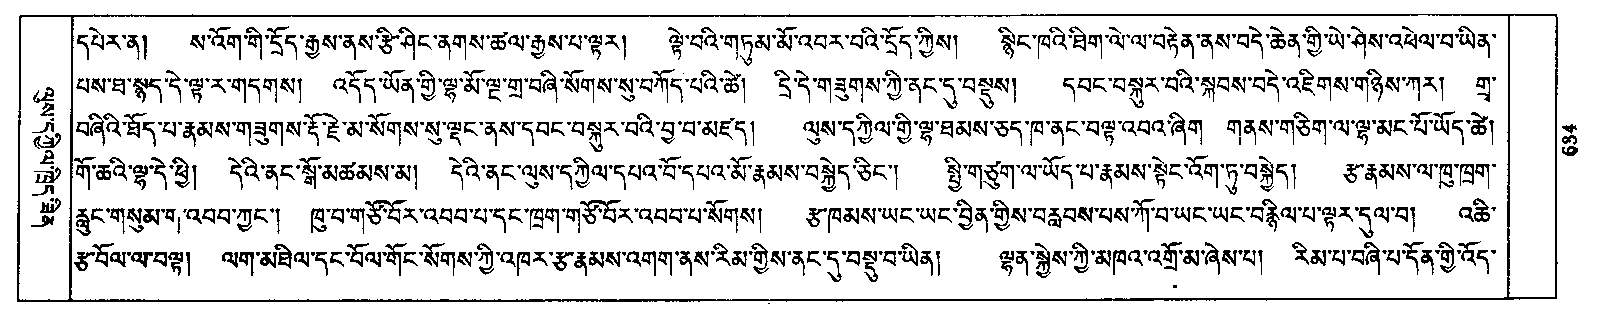དཔེར་ན། ས་འོག་གི་དྲོད་རྒྱས་ནས་རྩི་ཤིང་ནགས་ཚལ་རྒྱས་པ་ལྟར། ལྟེ་བའི་གཏུམ་མོ་འབར་བའི་དྲོད་ཀྱིས། སྙིང་ཁའི་ཐིག་ལེ་ལ་བརྟེན་ནས་བདེ་ཆེན་གྱི་ཡེ་ཤེས་འཕེལ་བ་ཡིན་
པས་ཐ་སྙད་དེ་ལྟ་ར་གདགས། འདོད་ཡོན་གྱི་ལྷ་མོ་ལྔ་གྲ་བཞི་སོགས་སུ་བཀོད་པའི་ཚེ། དྲི་དེ་གཟུགས་ཀྱི་ནང་དུ་བསྡུས། དབང་བསྐུར་བའི་སྐབས་བདེ་འཇིགས་གཉིས་ཀར། གྲྭ་
བཞིའི་ཐོད་པ་རྣམས་གཟུགས་རྡོ་རྗེ་མ་སོགས་སུ་ལྡང་ནས་དབང་བསྐུར་བའི་བྱ་བ་མཛད། ལུས་དཀྱིལ་གྱི་ལྷ་ཐམས་ཅད་ཁ་ནང་བལྟ་འབའ་ཞིག་གནས་གཅིག་ལ་ལྷ་མང་པོ་ཡོད་ཚེ།
གོ་ཆའི་ལྷ་དེ་ཕྱིར། དེའི་ནང་སྒོ་མཚམས་མ། དེའི་ནང་ལུས་དཀྱིལ་དཔའ་བོ་དཔའ་མོ་རྣམས་བསྐྱེད་ཅིང་། སྤྱི་གཙུག་ལ་ཡོད་པ་རྣམས་སྟེང་འོག་ཏུ་བསྐྱེད། རྩ་རྣམས་ལ་ཁུ་ཁྲག་
རླུང་གསུམ་ག་འབབ་ཀྱང་། ཁུ་བ་གཙོ་བོར་འབབ་པ་དང་ཁྲག་གཙོ་བོར་འབབ་པ་སོགས། རྩ་ཁམས་ཡང་ཡང་བྱིན་གྱིས་བརླབས་པས་ཀོ་བ་ཡང་ཡང་བརྙིལ་པ་ལྟར་དུལ་བ། འཆི་
རྩ་བོལ་ལ་བལྟ། ལག་མཐིལ་དང་བོལ་གོང་སོགས་ཀྱི་འཁར་རྩ་རྣམས་འགག་ནས་རིམ་གྱིས་ནང་དུ་བསྡུ་བ་ཡིན། ལྷན་སྐྱེས་ཀྱི་མཁའ་འགྲོ་མ་ཞེས་པ། རིམ་པ་བཞི་པ་དོན་གྱི་འོད་